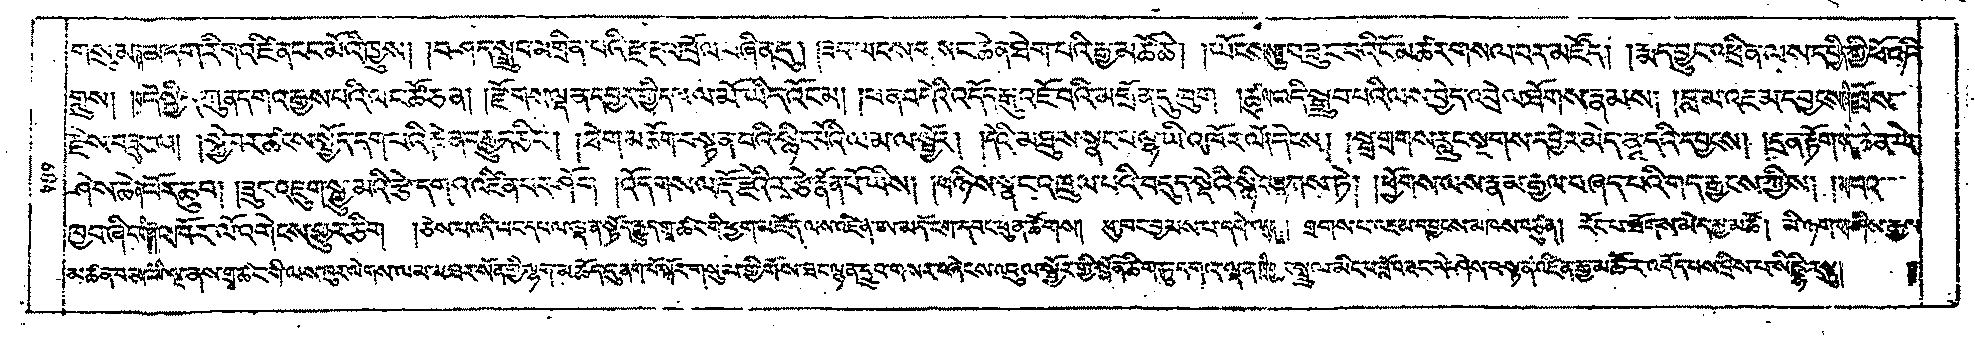གསུམ་རྣམ་དག་རིག་འཛིན་ངང་མོའི་ཁྱུས། །བཤད་སྒྲུབ་མགྲིན་པའི་རྫ་རྔ་འཁྲོལ་བཞིན་དུ། །ཟབ་ཡངས་གསང་ཆེན་ཐེག་པའི་རྒྱ་མཚོ་ཆེ། །ཡོངས་སུ་བཟུང་བའི་ངོ་མཚར་གསལ་བར་མཛོད། །རྨད་བྱུང་འཕྲིན་ལས་དཔྱིད་ཀྱི་ཕོ་ཉའི་
གླུས། །བདེ་སྐྱིད་ཀུན་དགའ་རྒྱས་པའི་ལང་ཚོ་ཅན། །རྫོགས་ལྡན་དབྱར་གྱི་དཔལ་མོ་ཡིད་འོང་མ། །ཕན་བདེའི་འདོད་རྒུ་འཇོ་བའི་མགྲོན་དུ་ཁུག །ཚུལ་འདི་སྒྲུབ་པའི་ལས་བྱེད་འབྲེལ་ཐོགས་རྣམས། །བླ་མ་འཇམ་དབྱངས་ཞི་ཁྲོས་
རྗེས་བཟུང་ལ། །སྐྱེ་བར་ཚངས་སྤྱོད་དག་པའི་རྟེན་བརྒྱུད་ཅིང་། །ཐེག་མཆོག་བསྟན་པའི་སྙིང་པོའི་ལམ་ལ་སྦྱོར། །དེའི་མཐུས་སྣང་བ་ལྷ་ཡི་འཁོར་ལོར་དེངས། །སྒྲ་གྲགས་རླུང་སྔགས་དབྱེར་མེད་ནཱ་དའི་དབྱངས། །དྲན་རྟོག་བདེ་ཆེན་ཡེ་
ཤེས་ཆེན་པོར་ཆུབ། །ཟུང་འཇུག་སྒྱུ་མའི་རྩེ་དགའ་འཛིན་པར་ཤོག །འོད་གསལ་རྡོ་རྗེའི་རྭ་རྩེ་རྣོན་པོ་ཡིས། །གཉིས་སྣང་འཁྲུལ་པའི་བདུད་སྡེའི་སྙིང་བཀས་ཏེ། །ཕྱོགས་ལས་རྣམ་རྒྱལ་བཞད་པའི་གད་རྒྱངས་ཀྱིས། །མཁའ་
ཁྱབ་ཞིང་གི་འཁོར་ལོ་འགེངས་གྱུར་ཅིག །ཅེས་པ་འདི་ཡང་དཔལ་ལྡན་སྟོད་རྒྱུད་གྲྭ་ཚང་གི་ཕྱག་མཛོད་ལས་འཛིན་ཨ་མདོ་ངག་དབང་ཕུན་ཚོགས། ཕུ་ཁང་བྱམས་པ་དགེ་འདུན། གྲགས་པ་འཇམ་དབྱངས་མཁས་བཙུན། རོང་པ་ཐོགས་མེད་རྒྱ་མཚོ། མི་ཉག་བཀྲ་ཤིས་རྒྱལ་
མཚན་བཅས་མི་ལྔ་ནས་གྲྭ་ཚང་གི་ལས་ཁུར་ལེགས་ལམ་མཐར་སོན་གྱི་ལྷག་མཆོད་དུ་ནག་པོ་སྐོར་གསུམ་གྱི་གོས་ཐང་ལྷན་དྲུབ་གསར་བཞེངས་འབུལ་སྦྱོར་གྱི་སྨོན་ཚིག་ཏུ་དགའ་ལྡན་ཁྲི་བྱང་སྤྲུལ་མིང་པ་བློ་བཟང་ཡེ་ཤེས་བསྟན་འཛིན་རྒྱ་མཚོར་འབོད་པས་བྲིས་པ་སིདྡྷི་རསྟུ།། །།